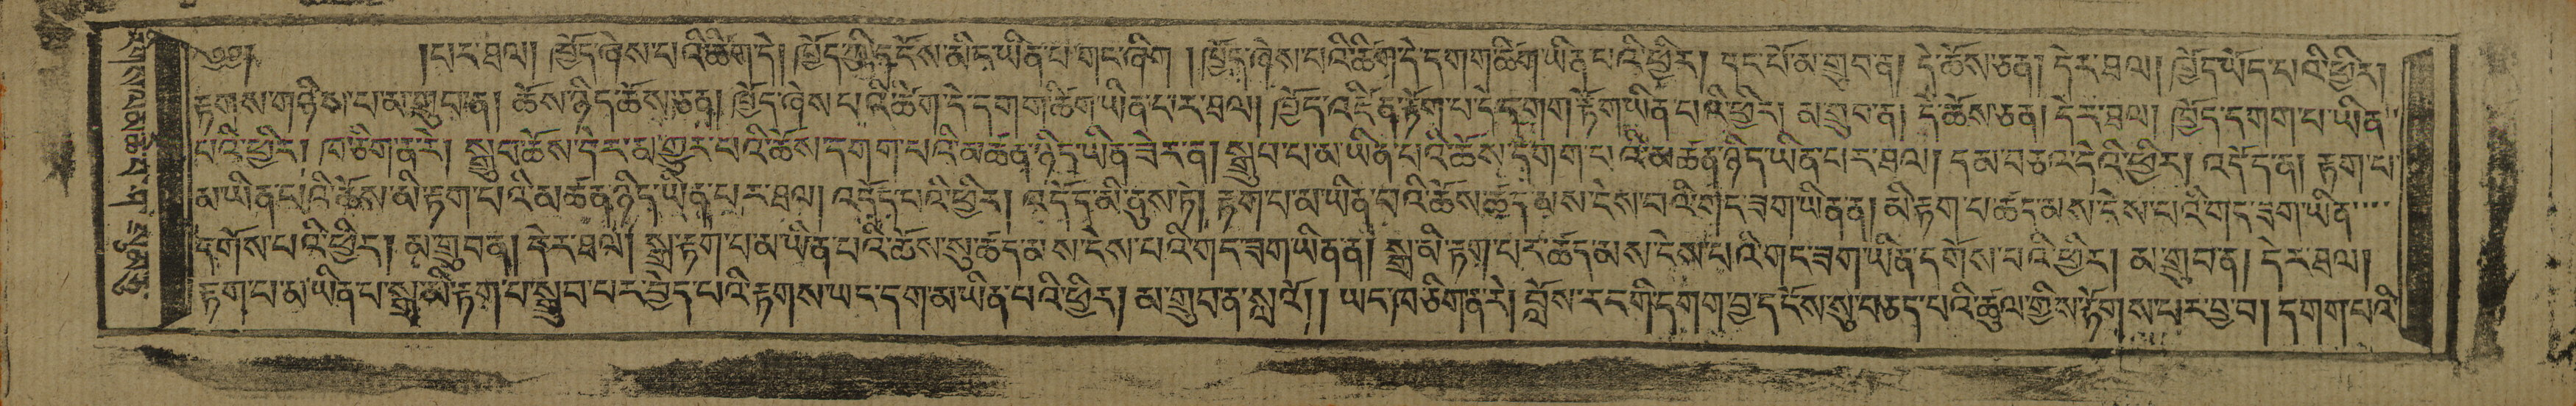༄༅། །པར་ཐལ། ཁྱོད་ཞེས་པའི་ཚིག་དེ། ཁྱོད་ཀྱི་དངོས་མིང་ཡིན་པ་གང་ཞིག །ཁྱོད་ཞེས་པའི་ཚིག་དེ་དགག་ཚིག་ཡིན་པའི་ཕྱིར། དང་པོ་མ་གྲུབ་ན། དེ་ཆོས་ཅན། དེར་ཐལ། ཁྱོད་ཡོད་པའི་ཕྱིར།
རྟགས་གཉིས་པ་མ་གྲུབ་ན། ཆོས་ཉིད་ཆོས་ཅན། ཁྱོད་ཞེས་པའི་ཚིག་དེ་དགག་ཚིག་ཡིན་པར་ཐལ། ཁྱོད་འཛིན་རྟོག་པ་དེ་དགག་རྟོག་ཡིན་པའི་ཕྱིར། མ་གྲུབ་ན། དེ་ཆོས་ཅན། དེར་ཐལ། ཁྱོད་དགག་པ་ཡིན་
པའི་ཕྱིར། ཁ་ཅིག་ན་རེ། སྒྲུབ་ཆོས་དེར་མ་གྱུར་པའི་ཆོས་དགག་པའི་མཚན་ཉིད་ཡིན་ཟེར་ན། སྒྲུབ་པ་མ་ཡིན་པའི་ཆོས་དགག་པའི་མཚན་ཉིད་ཡིན་པར་ཐལ། དམ་བཅའ་དེའི་ཕྱིར། འདོད་ན། རྟག་པ་
མ་ཡིན་པའི་ཆོས་མི་རྟག་པའི་མཚན་ཉིད་ཡིན་པར་ཐལ། འདོད་པའི་ཕྱིར། འདོད་མི་ནུས་ཏེ། རྟག་པ་མ་ཡིན་པའི་ཆོས་ཚད་མས་ངེས་པའི་གང་ཟག་ཡིན་ན། མི་རྟག་པ་ཚད་མས་ངེས་པའི་གང་ཟག་ཡིན་
དགོས་པའི་ཕྱིར། མ་གྲུབ་ན། དེར་ཐལ། སྒྲ་རྟག་པ་མ་ཡིན་པའི་ཆོས་སུ་ཚད་མས་ངེས་པའི་གང་ཟག་ཡིན་ན། སྒྲ་མི་རྟག་པར་ཚད་མས་ངེས་པའི་གང་ཟག་ཡིན་དགོས་པའི་ཕྱིར། མ་གྲུབ་ན། དེར་ཐལ།
རྟག་པ་མ་ཡིན་པ་སྒྲ་མི་རྟག་པ་སྒྲུབ་པར་བྱེད་པའི་རྟགས་ཡང་དག་མ་ཡིན་པའི་ཕྱིར། མ་གྲུབ་ན་སླའོ། །ཡང་ཁ་ཅིག་ན་རེ། བློས་རང་གི་དགག་བྱ་དངོས་སུ་བཅད་པའི་ཚུལ་གྱིས་རྟོགས་པར་བྱ་བ། དགག་པའི་